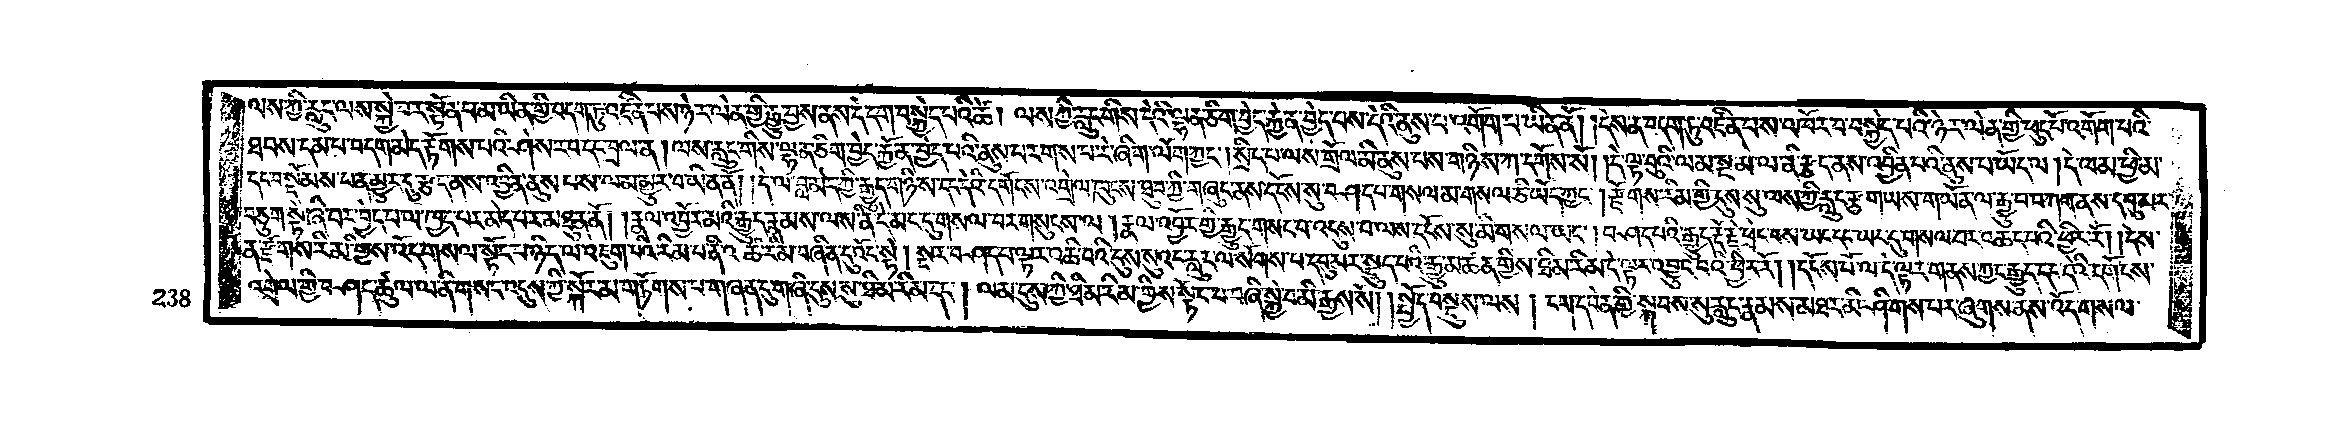ལས་ཀྱི་རླུང་ལས་སྐྱེ་བར་སྟོན་པ་མ་ཡིན་གྱི་བདག་ཏུ་འཛིན་པས་ཉེར་ལེན་གྱི་རྒྱུ་བྱས་ནས་དེ་དག་བསྐྱེད་པའི་ཚེ། ལས་ཀྱི་རླུང་གིས་དེའི་ལྷན་ཅིག་བྱེད་རྐྱེན་བྱེད་པས་དེའི་ནུས་པ་འགོག་པ་ཡིན་ནོ། །དེས་ན་བདག་ཏུ་འཛིན་པས་འཁོར་བ་བསྐྱེད་པའི་ཉེར་ལེན་གྱི་ཕུང་པོ་འགོག་པའི་
ཐབས་དམ་པ་བདག་མེད་རྟོགས་པའི་ཤེས་རབ་དང་བྲལ་ན། ལས་རླུང་གིས་ལྷན་ཅིག་བྱེད་རྐྱེན་བྱེད་པའི་ནུས་པ་རགས་པ་རེ་ཞིག་ལོག་ཀྱང་། སྲིད་པ་ལས་གྲོལ་མི་ནུས་པས་གཉིས་ཀ་དགོས་སོ། །དེ་ལྟ་བུའི་ལམ་སྔ་མ་ལ་ནི་རྩད་ནས་འབྱིན་པའི་ནུས་པ་ཡོད་ལ། དེ་ལམ་ཕྱི་མ་
དང་བསྡོམས་པ་ན་མྱུར་དུ་རྩད་ནས་འབྱིན་ནུས་པས་ལམ་མྱུར་བ་ཡིན་ནོ། །དེ་ལ་བླ་མེད་ཀྱི་རྒྱུད་གཉིས་དང་དེའི་དགོངས་འགྲེལ་ཁུངས་ཐུབ་ཀྱི་གཞུང་ནས་དངོས་སུ་བཤད་པ་གསལ་མ་གསལ་ཅི་ཡོད་ཀྱང་། རྫོགས་རིམ་གྱི་དུས་སུ་ལས་ཀྱི་རླུང་རྩ་གཡས་གཡོན་ལ་རྒྱུ་བ་བཀག་ནས་དབུ་མར་
བཅུག་སྟེ་ཞི་བར་བྱེད་པ་ལ་ཁྱད་པར་མེད་པར་མཐུན་ནོ། །རྣལ་འབྱོར་མའི་རྒྱུད་རྣམས་ལས་ནི་དེ་མང་དུ་གསལ་བར་གསུངས་ལ། རྣལ་འབྱོར་གྱི་རྒྱུད་གསང་བ་འདུས་པ་ལས་དངོས་སུ་མི་གསལ་ཡང་། བཤད་པའི་རྒྱུད་རྡོ་རྗེ་ཕྲེང་བས་ཡང་དང་ཡང་དུ་གསལ་བར་འཆད་པའི་ཕྱིར་རོ། །དེས་
ན་རྫོགས་རིམ་གྱིས་འོད་གསལ་སྟོང་པ་ཉིད་ལ་འཇུག་པའི་རིམ་པ་ནི་འཆི་རིམ་བཞིན་དུ་འོང་སྟེ། སྔར་བཤད་པ་ལྟར་འཆི་བའི་དུས་སུའང་རླུང་ལ་སོགས་པ་དབུ་མར་སྡུད་པའི་རྒྱུ་མཚན་གྱིས་ཐིམ་རིམ་དེ་ལྟར་འབྱུང་བའི་ཕྱིར་རོ། །དངོས་པོ་ལ་དེ་ལྟར་གནས་ཀྱང་རྒྱུད་དང་དེའི་དགོངས་
འགྲེལ་གྱི་བཤད་ཚུལ་ལ་ནི་གསང་འདུས་ཀྱི་སྐོར་མ་གཏོགས་པ་གཞན་དུ་གཞི་དུས་སུ་ཐིམ་རིམ་དང་། ལམ་དུས་ཀྱི་ཐིམ་རིམ་གྱིས་སྟོང་པ་བཞི་སྐྱེ་བ་མི་རྒྱས་སོ། །སྤྱོད་བསྡུས་ལས། ངག་དབེན་གྱི་སྐབས་སུ་རླུང་རྣམས་མཐར་མི་ཤིགས་པར་ཞུགས་ནས་འོད་གསལ་